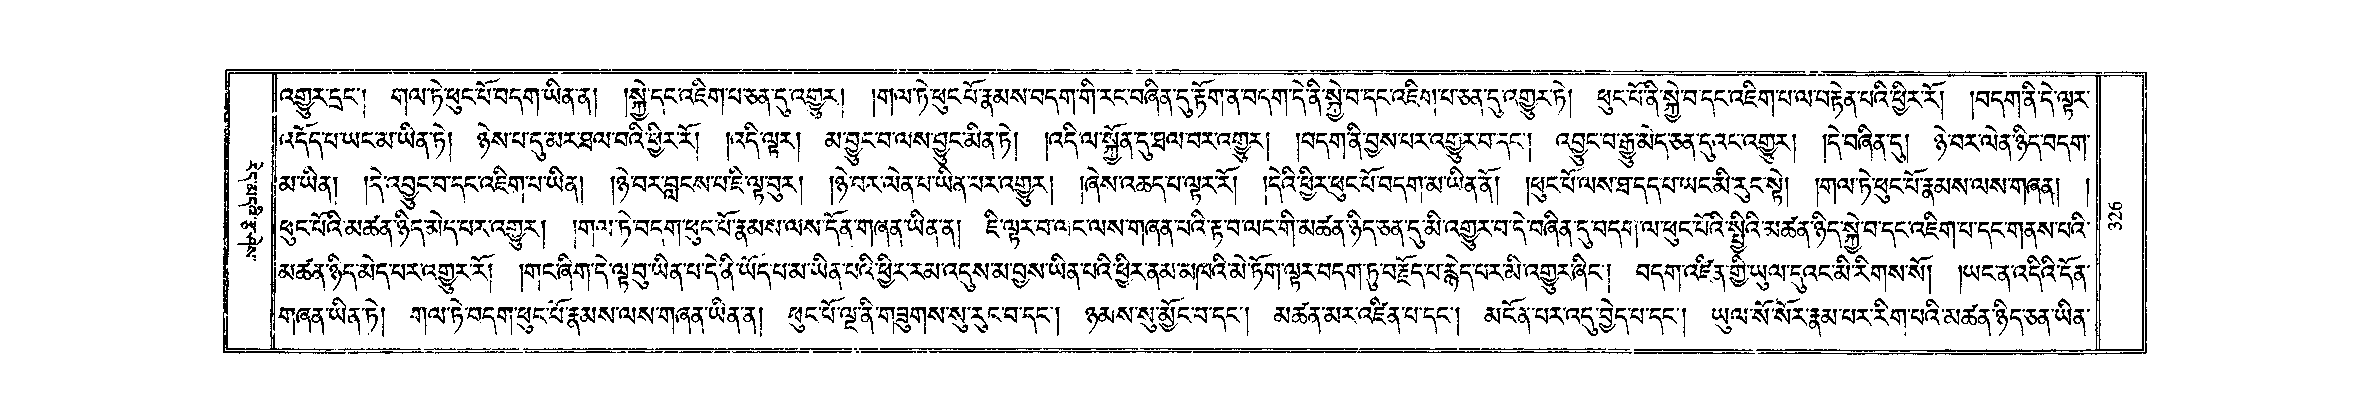འགྱུར་དྲང་། གལ་ཏེ་ཕུང་པོ་བདག་ཡིན་ན། །སྐྱེ་དང་འཇིག་པ་ཅན་དུ་འགྱུར། །གལ་ཏེ་ཕུང་པོ་རྣམས་བདག་གི་རང་བཞིན་དུ་རྟོག་ན་བདག་དེ་ནི་སྐྱེ་བ་དང་འཇིག་པ་ཅན་དུ་འགྱུར་ཏེ། ཕུང་པོ་ནི་སྐྱེ་བ་དང་འཇིག་པ་ལ་བརྟེན་པའི་ཕྱིར་རོ། །བདག་ནི་དེ་ལྟར་
འདོད་པ་ཡང་མ་ཡིན་ཏེ། ཉེས་པ་དུ་མར་ཐལ་བའི་ཕྱིར་རོ། །འདི་ལྟར། མ་བྱུང་བ་ལས་བྱུང་མིན་ཏེ། །འདི་ལ་སྐྱོན་དུ་ཐལ་བར་འགྱུར། །བདག་ནི་བྱས་པར་འགྱུར་བ་དང་། འབྱུང་པ་རྒྱུ་མེད་ཅན་དུའང་འགྱུར། །དེ་བཞིན་དུ། ཉེ་བར་ལེན་ཉིད་བདག་
མ་ཡིན། །དེ་འབྱུང་བ་དང་འཇིག་པ་ཡིན། །ཉེ་བར་བླངས་པ་ཇི་ལྟ་བུར། །ཉེ་བར་ལེན་པ་ཡིན་པར་འགྱུར། །ཞེས་འཆད་པ་ལྟར་རོ། །དེའི་ཕྱིར་ཕུང་པོ་བདག་མ་ཡིན་ནོ། །ཕུང་པོ་ལས་ཐ་དད་པ་ཡང་མི་རུང་སྟེ། །གལ་ཏེ་ཕུང་པོ་རྣམས་ལས་གཞན། །
ཕུང་པོའི་མཚན་ཉིད་མེད་པར་འགྱུར། །གལ་ཏེ་བདག་ཕུང་པོ་རྣམས་ལས་དོན་གཞན་ཡིན་ན། ཇི་ལྟར་བ་ལང་ལས་གཞན་པའི་རྟ་བ་ལང་གི་མཚན་ཉིད་ཅན་དུ་མི་འགྱུར་བ་དེ་བཞིན་དུ་བདག་ལ་ཕུང་པོའི་སྤྱིའི་མཚན་ཉིད་སྐྱེ་བ་དང་འཇིག་པ་དང་གནས་པའི་
མཚན་ཉིད་མེད་པར་འགྱུར་རོ། །གང་ཞིག་དེ་ལྟ་བུ་ཡིན་པ་དེ་ནི་ཡོད་པ་མ་ཡིན་པའི་ཕྱིར་རམ་འདུས་མ་བྱས་ཡིན་པའི་ཕྱིར་ནམ་མཁའི་མེ་ཏོག་ལྟར་བདག་ཏུ་བརྗོད་པ་རྙེད་པར་མི་འགྱུར་ཞིང་། བདག་འཛིན་གྱི་ཡུལ་དུའང་མི་རིགས་སོ། །ཡང་ན་འདིའི་དོན་
གཞན་ཡིན་ཏེ། གལ་ཏེ་བདག་ཕུང་པོ་རྣམས་ལས་གཞན་ཡིན་ན། ཕུང་པོ་ལྔ་ནི་གཟུགས་སུ་རུང་བ་དང་། ཉམས་སུ་མྱོང་བ་དང་། མཚན་མར་འཛིན་པ་དང་། མངོན་པར་འདུ་བྱེད་པ་དང་། ཡུལ་སོ་སོར་རྣམ་པར་རིག་པའི་མཚན་ཉིད་ཅན་ཡིན་